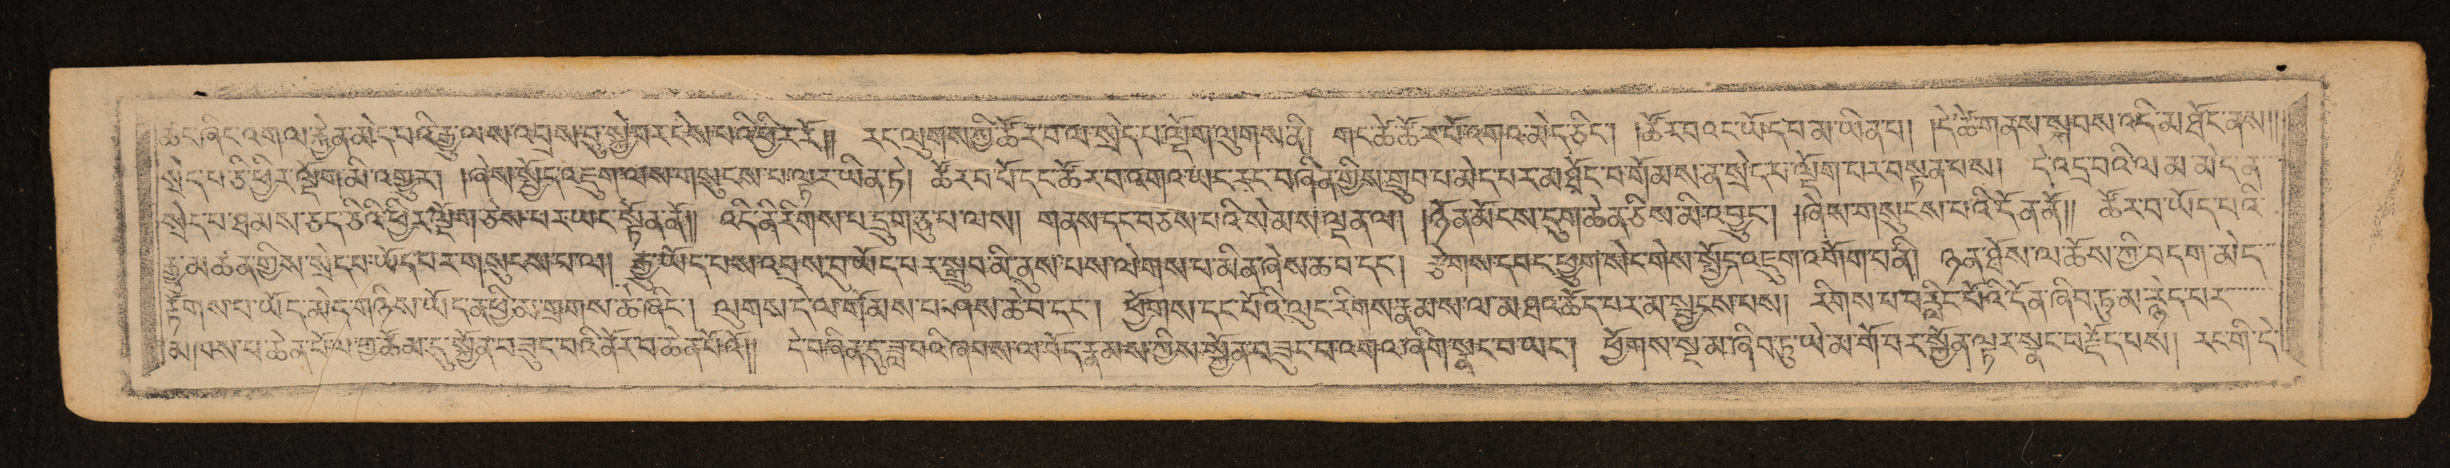ཚང་ཞིང་འགལ་རྐྱེན་མེད་པའི་རྒྱུ་ལས་འབྲས་བུ་སྐྱེ་བར་ངེས་པའི་ཕྱིར་རོ།། རང་ལུགས་ཀྱི་ཚོར་བ་ལ་སྲེད་པ་ལྡོག་ལུགས་ནི། གང་ཚེ་ཚོར་པོ་འགའ་མེད་ཅིང་། །ཚོར་བའང་ཡོད་པ་མ་ཡིན་པ། །དེ་ཚེ་གནས་སྐབས་འདི་མཐོང་ནས།།
སྲེད་པ་ཅི་ཕྱིར་ལྡོག་མི་འགྱུར། །ཞེས་སྤྱོད་འཇུག་ལས་གསུངས་པ་ལྟར་ཡིན་ཏེ། ཚོར་བ་པོ་དང་ཚོར་བ་འགའ་ཡང་རང་བཞིན་གྱིས་གྲུབ་པ་མེད་པར་མཐོང་བ་གོམས་ན། སྲེད་པ་ལྡོག་པར་བསྟན་པས། དེ་འདྲ་བའི་ལམ་མེད་ན་
སྲེད་པ་ཐམས་ཅད་ཅིའི་ཕྱིར་ལྡོག་ཅེས་པར་ཡང་སྟོན་ནོ།། འདི་ནི་རིགས་པ་དྲུག་ཅུ་པ་ལས། གནས་དང་བཅས་པའི་སེམས་ལྡན་ལ། །ཉོན་མོངས་དུག་ཆེན་ཅིས་མི་འབྱུང་། །ཞེས་གསུངས་པའི་དོན་ནོ།། ཚོར་བ་ཡོད་པའི་
རྒྱུ་མཚན་གྱིས་སྲེད་པ་ཡོད་པར་གསུངས་པ་ལ། རྒྱུ་ཡོད་པས་འབྲས་བུ་ཡོད་པར་སྒྲུབ་མི་ནུས་པས་ལེགས་པ་མིན་ཞེས་ཆ་བ་དང་། རྩེགས་དབང་ཕྱུག་སེང་གེས་སྤྱོད་འཇུག་འགོག་པ་ནི། ཉན་ཐོས་ལ་ཆོས་ཀྱི་བདག་མེད་
རྟོགས་པ་ཡོད་མེད་གཉིས་ཡོད་ན་ཕྱི་མ་གྲགས་ཆེ་ཞིང་། ལུགས་དེ་ལ་གོམས་པ་ཤས་ཆེ་བ་དང་། ཕྱོགས་དང་པོའི་ལུང་རིགས་རྣམས་ལ་མཐའ་ཆོད་པར་མ་སྦྱངས་པས། རིགས་པ་བརླིང་པོའི་དོན་ཞིབ་ཏུ་མ་རྙེད་པར་
མཁས་པ་ཆེན་པོ་ལ་གྱ་ཚོམ་དུ་སྐྱོན་བཟུང་བའི་ནོར་པ་ཆེན་པོའོ།། དེ་བཞིན་དུ་ཟླ་བའི་ཞབས་ལ་བོད་རྣམས་ཀྱིས་སྐྱོན་བཟུང་བ་འགའ་ཞིག་སྣང་བ་ཡང་། ཕྱོགས་སྔ་མ་ཞིབ་ཏུ་ཡེ་མ་གོ་བར་སྐྱོན་ལྟར་སྣང་བརྗོད་པས། རང་གི་དེ་